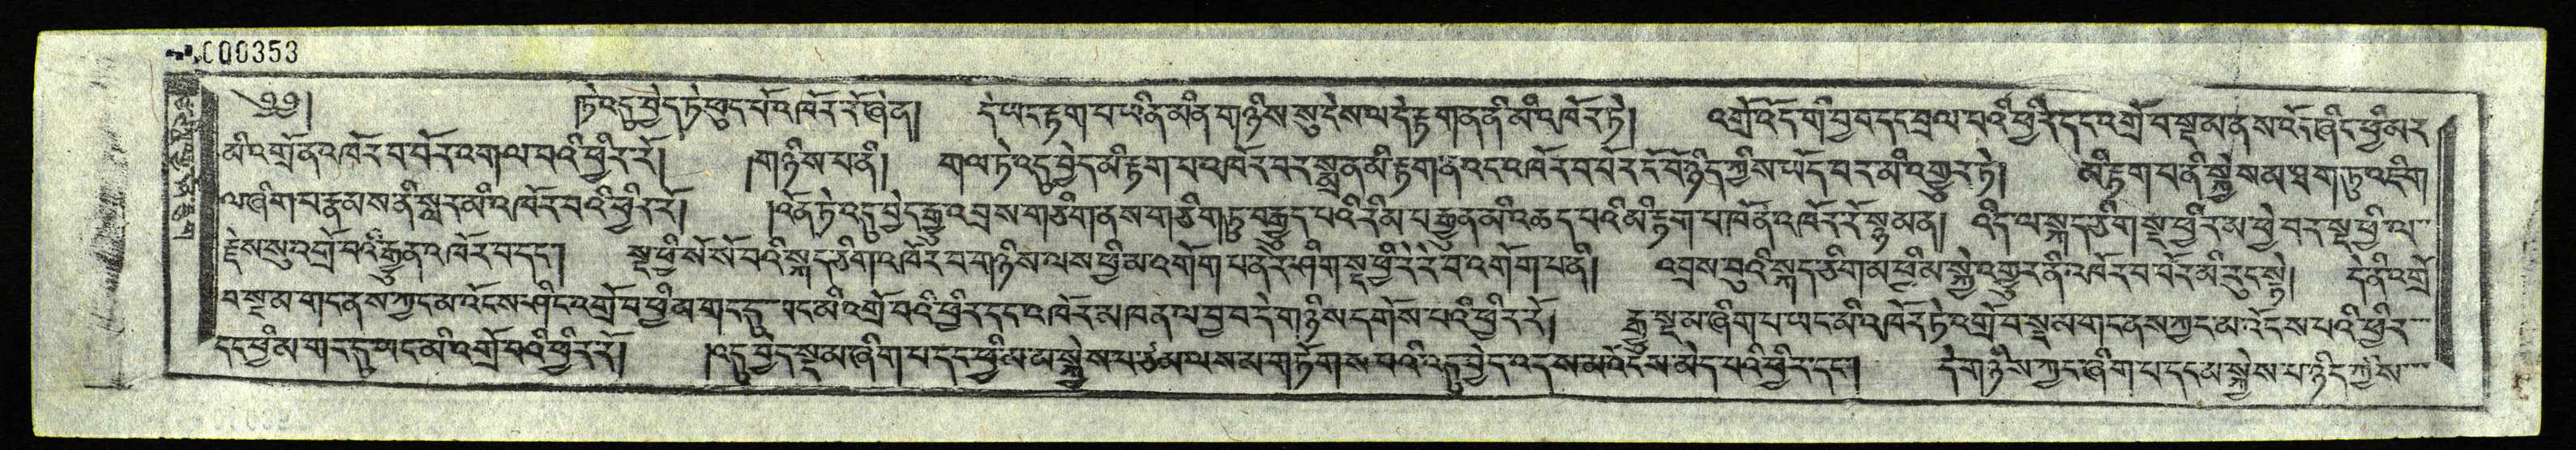༄༅། །ཏེ་འདུ་བྱེད་ཏེ་ཕུང་པོ་འཁོར་རོ་ཞེ་ན། དེ་ཡང་རྟག་པ་ཡིན་མིན་གཉིས་སུ་ངེས་ལ་དེ་རྟག་ན་ནི་མི་འཁོར་ཏེ། འགྲོ་འོང་གི་བྱ་བ་དང་བྲལ་བའི་ཕྱིར་དང་འགྲོ་བ་སྔ་མ་ནས་འོང་ཞིང་ཕྱི་མར་
མི་འགྲོ་ན་འཁོར་བ་བོར་འགལ་བའི་ཕྱིར་རོ། །གཉིས་པ་ནི། གལ་ཏེ་འདུ་བྱེད་མི་རྟག་པ་འཁོར་བར་སྨྲ་ན་མི་རྟག་ནའང་འཁོར་བ་པོར་ངོ་བོ་ཉིད་ཀྱིས་ཡོད་པར་མི་འགྱུར་ཏེ། མི་རྟག་པ་ནི་སྐྱེས་མ་ཐག་ཏུ་འཇིག་
ལ་ཞིག་པ་རྣམས་ནི་སླར་མི་འཁོར་བའི་ཕྱིར་རོ། །འོན་ཏེ་འདུ་བྱེད་རྒྱུ་འབྲས་གཅིག་ནས་གཅིག་ཏུ་བརྒྱུད་པའི་རིམ་པ་རྒྱུན་མི་འཆད་པའི་མི་རྟག་པ་ཁོ་ན་འཁོར་རོ་སྙམ་ན། འདི་ལ་སྐད་ཅིག་སྔ་ཕྱིར་མ་ཕྱེ་བར་སྔ་ཕྱི་ལ་
རྗེས་སུ་འགྲོ་བའི་རྒྱུན་འཁོར་བ་དང་། སྔ་ཕྱི་སོ་སོ་བའི་སྐད་ཅིག་འཁོར་བ་གཉིས་ལས་ཕྱི་མ་འགོག་པ་ན་རེ་ཤིག་སྔ་ཕྱི་རེ་རེ་བ་འགོག་པ་ནི། འབྲས་བུའི་སྐད་ཅིག་མ་ཕྱི་མ་སྐྱེ་འགྱུར་ནི་འཁོར་བ་པོར་མི་རུང་སྟེ། དེ་ནི་འགྲོ་
བ་སྔ་མ་གང་ནས་ཀྱང་མ་འོངས་ཤིང་འགྲོ་བ་ཕྱི་མ་གང་དུ་ཡང་མི་འགྲོ་བའི་ཕྱིར་དང་འཁོར་མཁན་ལ་བྱ་བ་དེ་གཉིས་དགོས་པའི་ཕྱིར་རོ། རྒྱུ་སྔ་མ་ཞིག་པ་ཡང་མི་འཁོར་ཏེ་འགྲོ་བ་སྔ་མ་གང་ནས་ཀྱང་མ་འོངས་པའི་ཕྱིར་
དང་ཕྱི་མ་གང་དུ་ཡང་མི་འགྲོ་བའི་ཕྱིར་རོ། །འདུ་བྱེད་སྔ་མ་ཞིག་པ་དང་ཕྱི་མ་མ་སྐྱེས་པ་ཙམ་ལས་མ་གཏོགས་པའི་འདུ་བྱེད་འདས་མ་འོངས་མེད་པའི་ཕྱིར་དང་། དེ་གཉིས་ཀྱང་ཞིག་པ་དང་མ་སྐྱེས་པ་ཉིད་ཀྱིས་